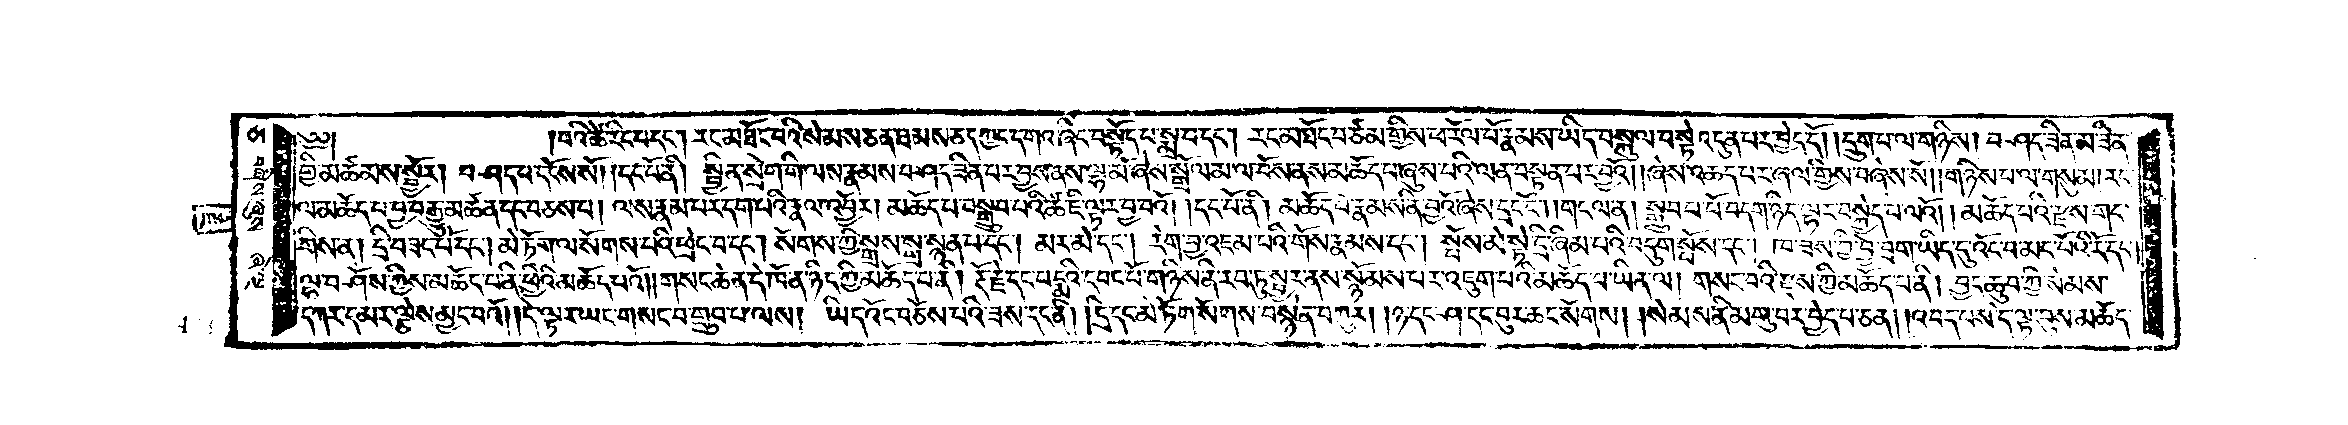༄༅། །པའི་ཚེ་རིང་པ་དང་། རང་མཐོང་བའི་སེམས་ཅན་ཐམས་ཅད་ཀྱང་དགའ་ཞིང་བསྟོད་པ་སྨྲ་བ་དང་། རང་མཐོང་བ་ཙམ་གྱིས་ཕ་རོལ་པོ་རྣམས་ཡིད་བསྐུལ་བ་སྟེ་འདུན་པར་བྱེད་དོ། །དྲུག་པ་ལ་གཉིས། བཤད་ཟིན་མ་ཟིན་
གྱི་མཚམས་སྦྱོར། བཤད་པ་དངོས་སོ། །དང་པོ་ནི། སྦྱིན་སྲེག་གི་ལས་རྣམས་བཤད་ཟིན་པར་བྱས་ནས་ལྷ་མོ་ཞེས་སྒྲོལ་མ་ལ་བོས་ནས་མཆོད་པ་ཞུས་པའི་ལན་བསྟན་པར་བྱའོ། །ཞེས་འཆད་པར་ཞལ་གྱིས་བཞེས་སོ། །གཉིས་པ་ལ་གསུམ། རང་
ལ་མཆོད་པ་བྱ་བ་རྒྱུ་མཚན་དང་བཅས་པ། ལས་རྣམ་པར་དག་པའི་རྣལ་འབྱོར། མཆོད་པ་བསྒྲུབ་པའི་ཚེ་ཇི་ལྟར་བྱ་བའོ། །དང་པོ་ནི། མཆོད་པ་རྣམས་ནི་བྱའོ་ཞེས་དྲང་ངོ། །གང་ལ་ན། སྒྲུབ་པ་པོ་བདག་ཉིད་ལྷར་བསྐྱེད་པ་ལའོ། །མཆོད་པའི་རྫས་གང་
གིས་ན། དྲི་བཟང་པོ་དང་། མེ་ཏོག་ལ་སོགས་པའི་ཕྲེང་བ་དང་། སོགས་ཀྱི་སྒྲས་སྒྲ་སྙན་པ་དང་། མར་མེ་དང་། རེག་བྱ་འཇམ་པའི་གོས་རྣམས་དང་། སྤོས་མེ་སྟེ་དྲི་ཞིམ་པའི་བདུག་སྤོས་དང་། ཁ་ཟས་ཀྱི་བྱེ་བྲག་ཡིད་དུ་འོང་བ་མང་པོའི་རོ་དང་།
ལྷ་བཤོས་ཀྱིས་མཆོད་པ་ནི་ཕྱིའི་མཆོད་པའོ། །གསང་ཆེན་དེ་ཁོ་ན་ཉིད་ཀྱི་མཆོད་པ་ནི། རྡོ་རྗེ་དང་པདམའི་དབང་པོ་གཉིས་ནི་རབ་ཏུ་སྦྱར་ནས་སྙོམས་པར་འཇུག་པའི་མཆོད་པ་ཡིན་ལ། གསང་བའི་རྫས་ཀྱི་མཆོད་པ་ནི། བྱང་ཆུབ་ཀྱི་སེམས་
དཀར་དམར་ལྕེས་མྱང་བའོ། །དེ་ལྟར་ཡང་གསང་བ་གྲུབ་པ་ལས། ཡིད་འོང་བཅོས་པའི་ཟས་དང་ནི། །དྲི་དང་མེ་ཏོག་སོགས་བསྙེན་བཀུར། །ཉ་དང་ཤ་དང་བུར་ཆང་སོགས། །སེམས་ནི་མགུ་བར་བྱེད་པ་ཅན། །འབད་པས་དེ་ལྟ་བུས་མཆོད་